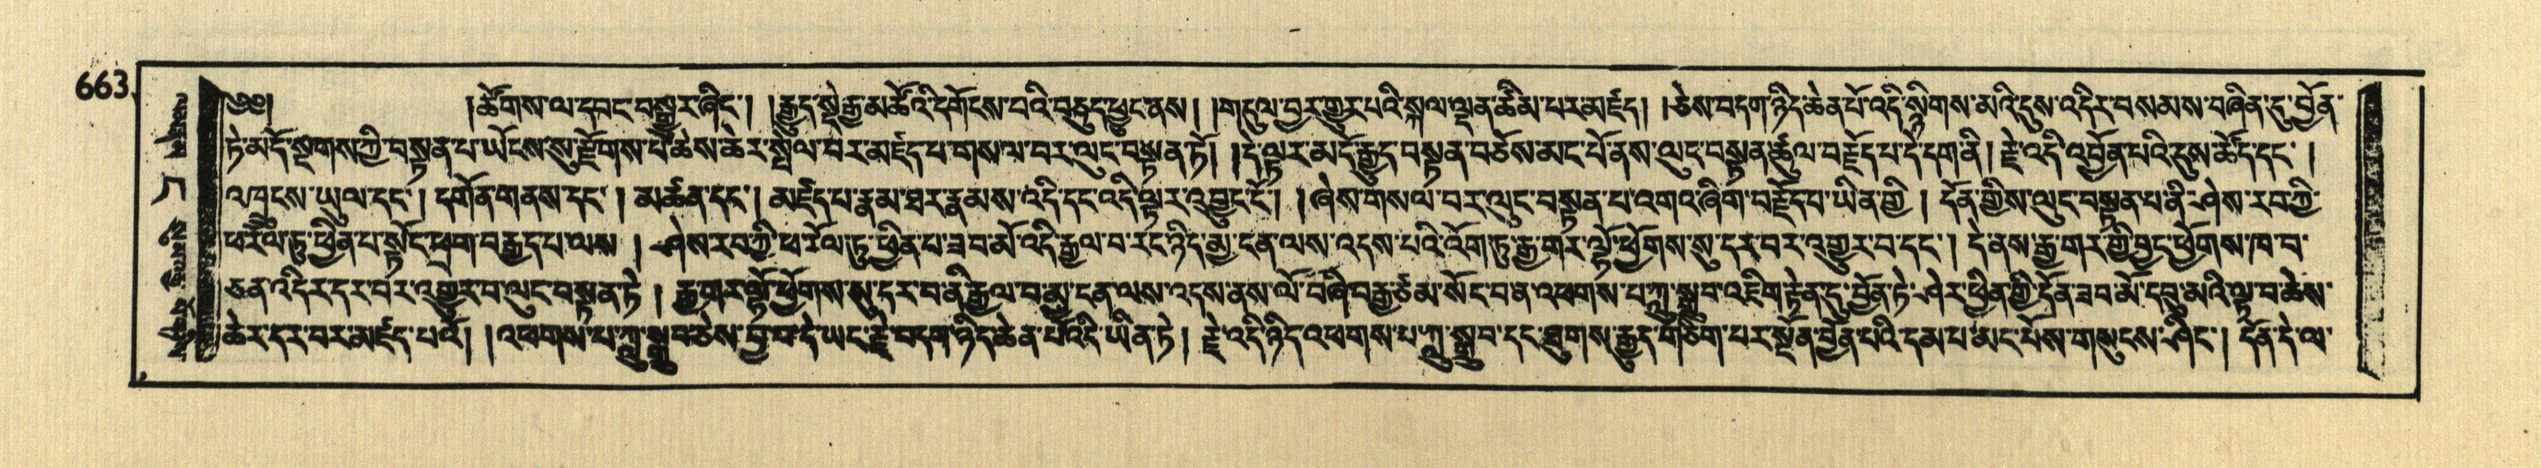༄༅། །ཚོགས་ལ་དབང་བསྒྱུར་ཞིང་། །རྒྱུད་སྡེ་རྒྱ་མཚོའི་དགོངས་པའི་བཅུད་ཕྱུང་ནས། །གདུལ་བྱར་གྱུར་པའི་སྐལ་ལྡན་ཚིམ་པར་མཛད། །ཅེས་བདག་ཉིད་ཆེན་པོ་འདི་སྙིགས་མའི་དུས་འདིར་བསམས་བཞིན་དུ་བྱོན་
ཏེ་མདོ་སྔགས་ཀྱི་བསྟན་པ་ཡོངས་སུ་རྫོགས་པ་ཆེས་ཆེར་སྤེལ་བར་མཛད་པ་གསལ་བར་ལུང་བསྟན་ཏོ། །དེ་ལྟར་མདོ་རྒྱུད་བསྟན་བཅོས་མང་པོ་ནས་ལུང་བསྟན་ཚུལ་བརྗོད་པ་དེ་དག་ནི། རྗེ་འདི་འབྱོན་པའི་དུས་ཚོད་དང་།
འཁྲུངས་ཡུལ་དང་། དགོན་གནས་དང་། མཚན་དང་། མཛད་པ་རྣམ་ཐར་རྣམས་འདི་དང་འདི་ལྟར་འབྱུང་ངོ། །ཞེས་གསལ་བར་ལུང་བསྟན་པ་འགའ་ཞིག་བརྗོད་པ་ཡིན་གྱི། དོན་གྱིས་ལུང་བསྟན་པ་ནི་ཤེས་རབ་ཀྱི་
ཕ་རོལ་ཏུ་ཕྱིན་པ་སྟོང་ཕྲག་བརྒྱད་པ་ལས། ཤེས་རབ་ཀྱི་ཕ་རོལ་ཏུ་ཕྱིན་པ་ཟབ་མོ་འདི་རྒྱལ་བ་རང་ཉིད་མྱ་ངན་ལས་འདས་པའི་འོག་ཏུ་རྒྱ་གར་ལྷོ་ཕྱོགས་སུ་དར་བར་འགྱུར་བ་དང་། དེ་ནས་རྒྱ་གར་གྱི་བྱང་ཕྱོགས་ཁ་བ་
ཅན་འདིར་དར་བར་འགྱུར་བ་ལུང་བསྟན་ཏེ། རྒྱ་གར་ལྷོ་ཕྱོགས་སུ་དར་བ་ནི་རྒྱལ་བ་མྱ་ངན་ལས་འདས་ནས་ལོ་བཞི་བརྒྱ་ཙམ་སོང་བ་ན་འཕགས་པ་ཀླུ་སྒྲུབ་འཇིག་རྟེན་དུ་བྱོན་ཏེ་ཤེར་ཕྱིན་གྱི་དོན་ཟབ་མོ་དབུ་མའི་ལྟ་བ་ཆེས་
ཆེར་དར་བར་མཛད་པའོ། །འཕགས་པ་ཀླུ་སྒྲུབ་ཅེས་བྱ་བ་དེ་ཡང་རྗེ་བདག་ཉིད་ཆེན་པོ་འདི་ཡིན་ཏེ། རྗེ་འདི་ཉིད་འཕགས་པ་ཀླུ་སྒྲུབ་དང་ཐུགས་རྒྱུད་གཅིག་པར་སྔོན་བྱོན་པའི་དམ་པ་མང་པོས་གསུངས་ཤིང་། དོན་དེ་ལ་